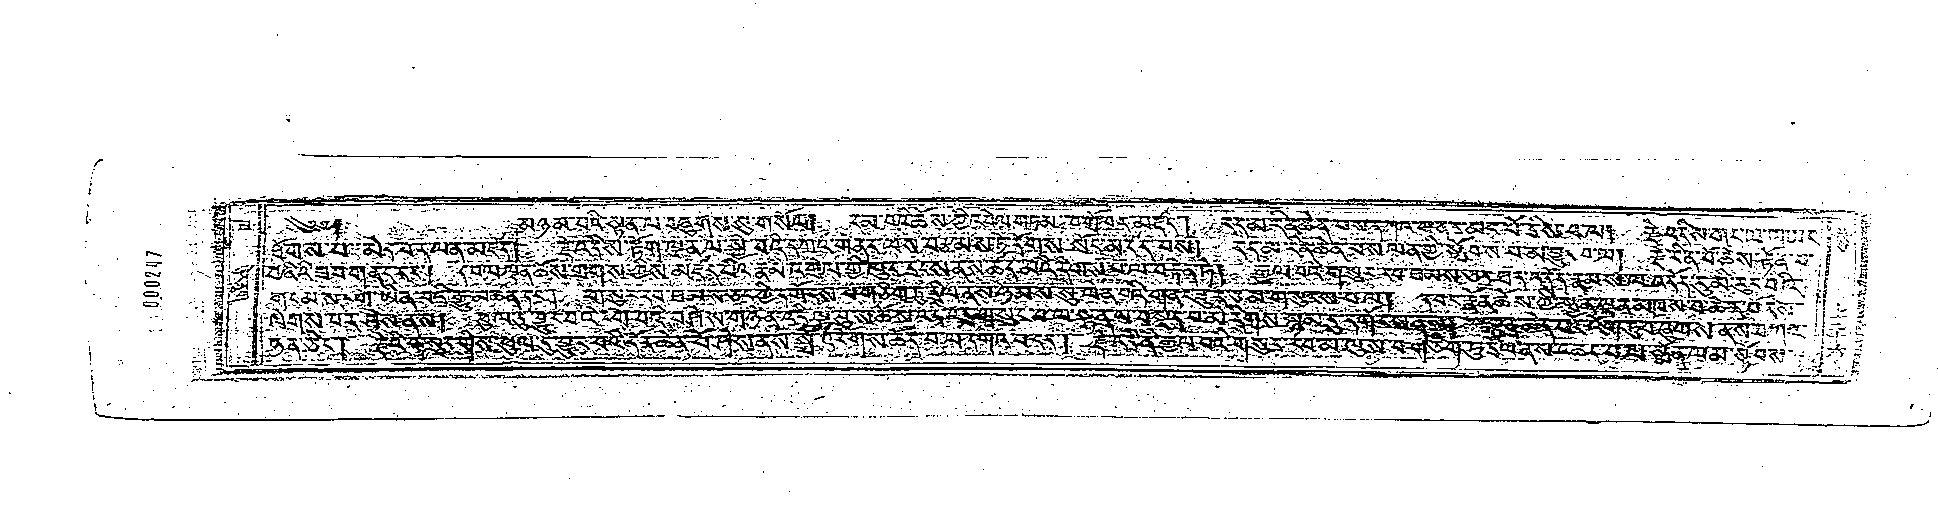༄༅། །མཉམ་པའི་སྟན་ལ་བཞུགས་སུ་གསོལ། རམ་པའི་ཆོས་ཀྱི་འབེལ་གཏམ་བགྲོ་བར་མཛད། དར་མ་རིན་ཆེན་པས་དཀའ་གནང་མང་པོ་དྲིས་བ་ལ། རྗེ་འདིས་གང་ལ་ལ་ཡང་
ཐོགས་པ་མེད་པར་ལན་མཛད། རྗེ་འདིས་རྟོག་ལྡན་ལ་སྐྱེ་བའི་དཀའ་གནང་ལས་བརྩམས་ཏེ་དོགས་སློང་མཛད་པས། དར་མ་རིན་ཆེན་པས་ལན་གྱི་སྤོབས་པ་མ་བྱུང་བ་ལ། རྗེ་རིན་པོ་ཆེས་རྟོན་པ་
བཞིའི་ཟབ་གནང་དང་། དཔལ་ལྡན་ཆོས་གྲགས་ཀྱིས་མཛད་པའི་རྣམ་འགྲེལ་གྱི་ལུང་དྲངས་ནས་ཚད་མའི་རིགས་པ་ལ་བརྟེན་ཏེ། རྒྱལ་བའི་གསུང་རབ་ཐམས་ཅད་ཐར་འདོད་རྣམས་ལ་འདོད་དུ་མི་རུང་བའི་
གདམས་ངག་ཡིན་བའི་རྒྱུ་མཚན་དང་། གསུང་རབ་ཐམས་ཅད་ཀྱི་དགོངས་པ་གཅིག་ཏུ་དྲིལ་ནས་ཉམས་སུ་ལེན་པའི་གནང་ཟུར་ཙམ་གསུངས་པ་ལ། དབང་རྣོམ་ཆོས་ཀྱི་སྤྱན་ལྡན་མཁས་པ་ཆེན་པོ་དེས་
ལེགས་པར་ཤེས་ནས། ཕུལ་དུ་བྱུང་བའི་དགེ་བའི་བཤེས་གཉེན་འདི་ལྟ་བུས་ཆོས་འདི་འདྲ་གསུང་བ་ལ་སྟན་ལ་བསྡད་པ་མི་རིགས་སྙམ་དུ་དགོངས་ནས། སྟན་མེད་པར་འོག་ཏུ་བཞུགས་ནས་བཀའ་
ཉན་ཅིང་། རྗེའི་གསུང་གིས་ཕུལ་དུ་བྱུང་བའི་དོན་ཆེན་པོ་ཤེས་ནས་སྒྲོ་འདོགས་ཆོད་པ་ལ་དགའ་བ་དང་། རྗེ་འདི་ནི་རྒྱལ་བའི་གསུང་རབ་མ་ལུས་བ་གཅིག་ཏུ་དྲིལ་ནས་འཆད་བ་ལ་སྨོན་ལམ་སྟོབས་